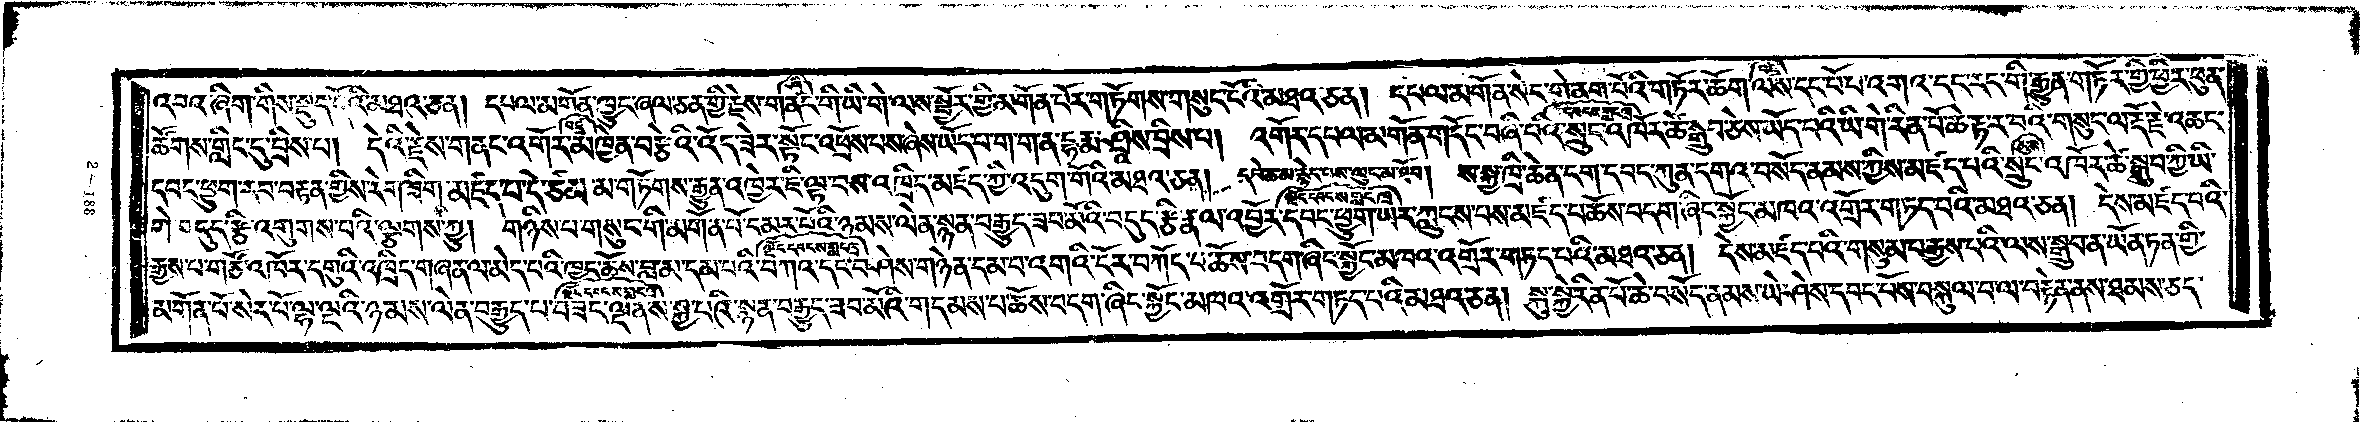འབའ་ཞིག་གིས་སྡུད་དོའི་མཐའ་ཅན། དཔལ་མགོན་ཁྱུང་ཞལ་ཅན་གྱི་རྗེས་གནང་གི་ཡི་གེ་ལས་སྦྱོར་གྱི་མགོན་པོར་གཏོགས་གསུང་ངོའི་མཐའ་ཅན། དཔལ་མགོན་སེང་གེ་ནག་པོའི་གཏོར་ཆོག་ལས་དབང་པོ་པ་འགའ་དང་རང་གི་རྒྱུན་གཏོར་གྱི་ཕྱིར་ཕུན་
ཚོགས་གླིང་དུ་བྲིས་པ། དེའི་རྗེས་གནང་འགོར་མཁྱེན་བརྩེའི་འོད་ཟེར་སྟོང་འཕྲོས་པས་ཞེས་ཡོད་པ་ག་ག་ན་དྷརྨ་ཤྲཱིས་བྲིས་པ། འགོར་དཔལ་མགོན་གདོང་བཞི་པའི་སྲུང་འཁོར་ཚེ་སྒྲུབ་ཅེས་ཡོད་པའི་ཡི་གེ་རིན་པོ་ཆེ་རྟ་ར་བའི་གསུང་ལ་རྡོ་རྗེ་འཆང་
དབང་ཕྱུག་རབ་བརྟན་གྱིས་རེག་ཁྲིག་མཛད་པ་དེ་ཙམ་མ་གཏོགས་རྒྱུན་འཁྱེར་ཇི་ལྟ་བས་འཁྲིད་མཛད་ཀྱི་འདུག་གོའི་མཐའ་ཅན། དབེ་ཆ་མ་རྙེད་བས་ལུང་མ་ཐོབ།  ས་སྐྱ་ཁྲི་ཆེན་ངག་དབང་ཀུན་དགའ་བསོད་ནམས་ཀྱིས་མཛད་པའི་སྲུང་འཁོར་ཚེ་སྒྲུབ་ཀྱི་ཡི་
གེ་བདུད་རྩི་འགུགས་པའི་ལྕགས་ཀྱུ། གཉིས་པ་གསུང་གི་མགོན་པོ་དམར་པོའི་ཉམས་ལེན་སྙན་བརྒྱུད་ཟབ་མོའི་བདུད་རྩི་རྣལ་འབྱོར་དབང་ཕྱུག་ཡར་ཀླུངས་པས་མཛད་པ་ཆོས་བདག་ཞིང་སྐྱོང་མཁའ་འགོར་གཏད་པའི་མཐའ་ཅན། དེས་མཛད་པའི་
རྒྱས་པ་གཙོ་འཁོར་དགུའི་འཁྲིད་གཞན་ལ་མེད་པའི་ཁྱད་ཆོས་བླ་མ་དམ་པའི་བཀའ་དང་བཤེས་གཉེན་དམ་པ་འགའི་ངོར་བཀོད་པ་ཆོས་བདག་ཞིང་སྐྱོང་མཁའ་འགོར་གཏད་པའི་མཐའ་ཅན། དེས་མཛད་པའི་གསུམ་པ་རྒྱས་པའི་ལས་སྒྲུབ་ན་ཡོན་ཏན་གྱི་
མགོན་པོ་སེར་པོ་ལྷ་ལྔའི་ཉམས་ལེན་བརྒྱུད་པ་བཟང་ལྡན་ས་སྐྱ་པའི་སྙན་བརྒྱུད་ཟབ་མོའི་གདམས་པ་ཆོས་བདག་ཞིང་སྐྱོང་མཁའ་འགྲོར་གཏད་པའི་མཐའ་ཅན། སྐུ་སྐྱེ་རིན་པོ་ཆེ་བསོད་ནམས་ཡེ་ཤེས་དབང་པོས་བསྐུལ་བ་ལ་བརྟེན་ནས་ཐམས་ཅད་